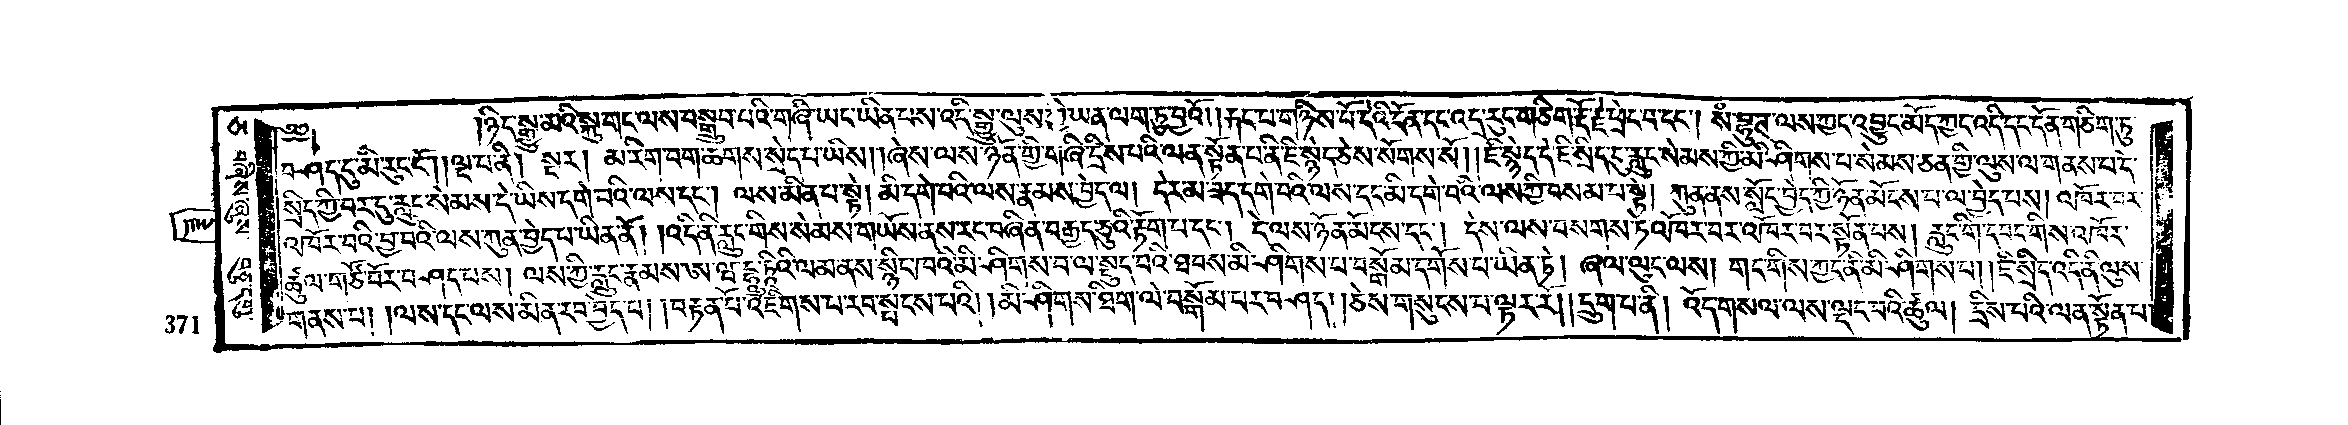༄༅། །ཉིད་སྒྱུ་མའི་སྐུ་གང་ལས་བསྒྲུབ་པའི་གཞི་ཡང་ཡིན་པས་འདི་སྒྱུ་ལུས་ཀྱི་ཡན་ལག་ཏུ་བྱའོ། །རྐང་པ་གཉིས་པོ་དེའི་དོན་དང་འདྲ་རུང་གཅིག་རྡོ་རྗེ་ཕྲེང་བ་དང་། སཾ་བྷུཊ་ལས་ཀྱང་འབྱུང་མོད་ཀྱང་འདི་དང་དོན་གཅིག་ཏུ་
བཤད་དུ་མི་རུང་ངོ། །ལྔ་པ་ནི། སྔར། མ་རིག་བག་ཆགས་སྲེད་པ་ཡིས། །ཞེས་ལས་ཉོན་གྱི་གཞི་དྲིས་པའི་ལན་སྟོན་པ་ནི་ཇི་སྙེད་ཅེས་སོགས་སོ། །ཇི་སྙེད་དེ་ཇི་སྲིད་དུ་རླུང་སེམས་ཀྱི་མི་ཤིགས་པ་སེམས་ཅན་གྱི་ལུས་ལ་གནས་པ་དེ་
སྲིད་ཀྱི་བར་དུ་རླུང་སེམས་དེ་ཡིས་དགེ་བའི་ལས་དང་། ལས་མིན་པ་སྟེ། མི་དགེ་བའི་ལས་རྣམས་བྱེད་ལ། དེར་མ་ཟད་དགེ་བའི་ལས་དང་མི་དགེ་བའི་ལས་ཀྱི་བསམ་པ་སྟེ། ཀུན་ནས་སློང་བྱེད་ཀྱི་ཉོན་མོངས་པ་ལ་བྱེད་པས། འཁོར་བར་
འཁོར་བའི་བྱ་བའི་ལས་ཀུན་བྱེད་པ་ཡིན་ནོ། །འདི་ནི་རླུང་གིས་སེམས་གཡོས་ནས་རང་བཞིན་བརྒྱད་ཅུའི་རྟོག་པ་དང་། དེ་ལས་ཉོན་མོངས་དང་། དེས་ལས་བསགས་ཏེ་འཁོར་བར་འཁོར་བར་སྟོན་པས། རླུང་གི་དབང་གིས་འཁོར་
ཚུལ་གཙོ་བོར་བཤད་པས། ལས་ཀྱི་རླུང་རྣམས་ཨ་ཝ་དྷཱུ་ཏཱིའི་ལམ་ནས་སྙིང་ཁའི་མི་ཤིགས་བ་ལ་སྡུད་པའི་ཐབས་མི་ཤིགས་པ་བསྒོམ་དགོས་པ་ཡིན་ཏེ། ཞལ་ལུང་ལས། གང་གིས་ཀྱང་ནི་མི་ཤིགས་པ། །ཇི་སྲིད་འདི་ནི་ལུས་
གནས་པ། །ལས་དང་ལས་མིན་རབ་བྱེད་པ། །བརྟན་པོ་འཇིགས་པ་རབ་སྤངས་པའི། །མི་ཤིགས་ཐིག་ལེ་བསྒོམ་པར་བཤད། །ཅེས་གསུངས་པ་ལྟར་རོ། །དྲུག་པ་ནི། འོད་གསལ་ལས་ལྡང་བའི་ཚུལ། དྲིས་པའི་ལན་སྟོན་པ་